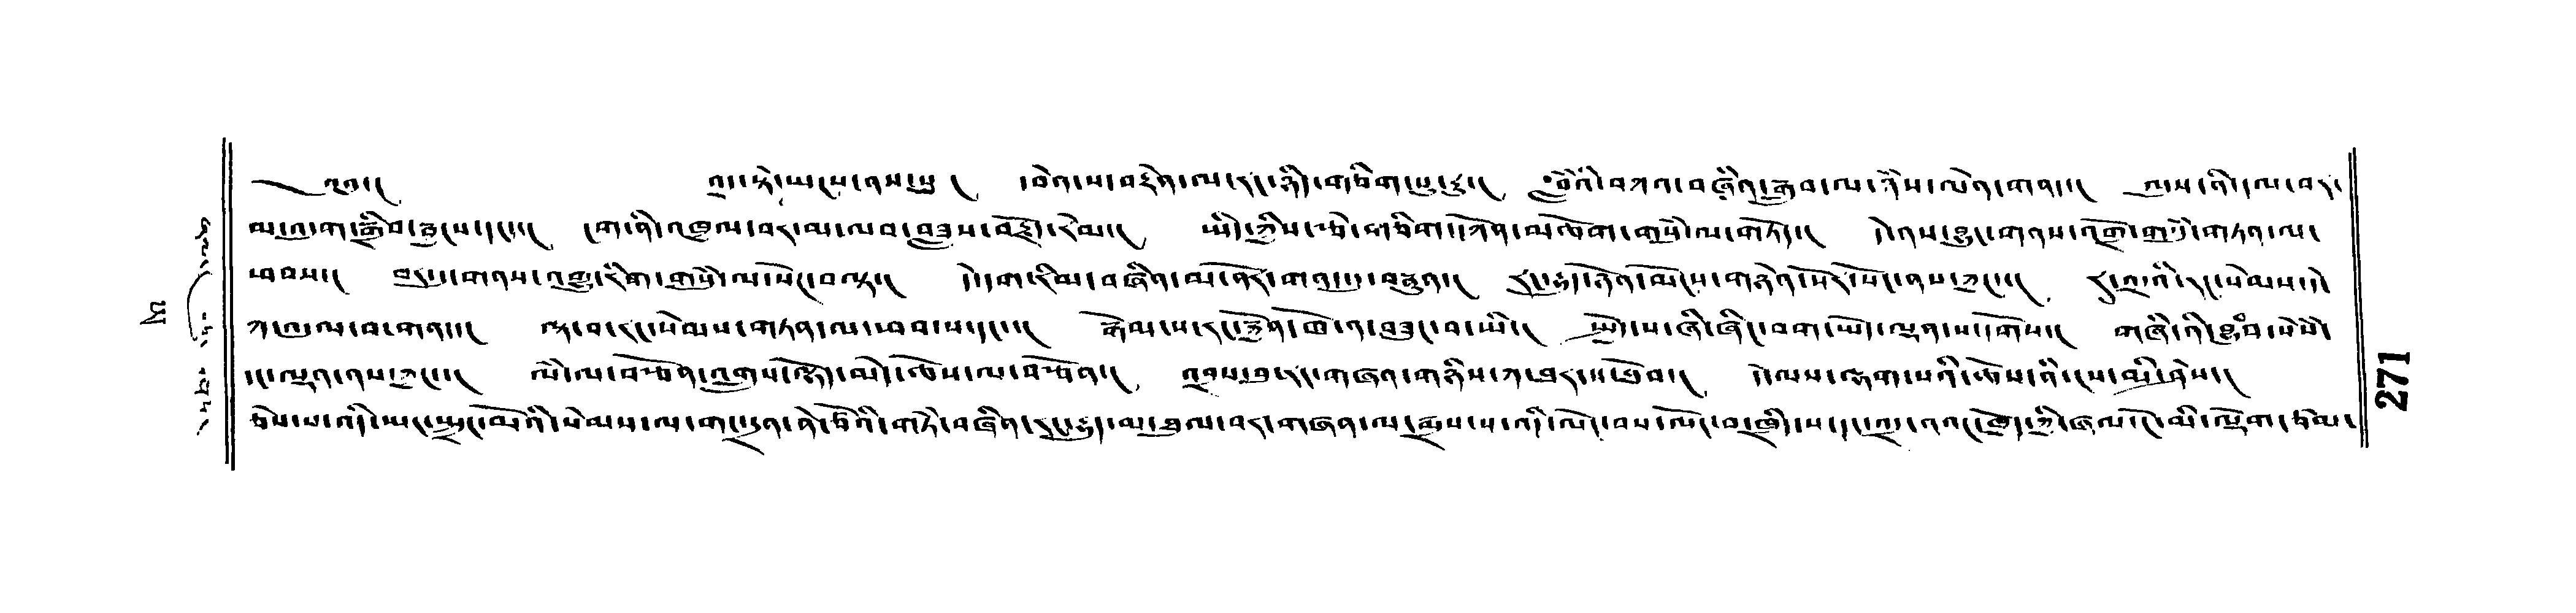འདྲ་སྟེ་སྤངས་ནས་སུ། །དབེན་པ་བརྟེན་ལ་རང་ཉིད་གཅིག་པུ་རུ། །བླ་མའི་བཀའ་བཞིན་སྒྲུབ་ལ་ཉམས་ལེན་གནད། །ལུས་ནི་དལ་བར་
མ་འདུག་སྒྲིབ་སྦྱོང་དང་། །ངག་ནི་འཁྱལ་བར་མ་ལབ་བཟླས་བརྗོད་རེམ། །ཡིད་ཀྱིས་རྩེ་གཅིག་དཀོན་མཆོག་གསུམ་ལ་གཏོད། །དེ་ནས་བྱུང་གནས་འགྲོ་གསུམ་གཏན་ལ་
ཕབས། །བར་དུ་གནས་འགྱུ་རིག་གསུམ་ལ་སོགས་བལྟ། །དེ་དག་རིམ་བཞིན་མ་ནོར་གནད་དུ་བསྣུན། །རང་རྒྱུད་ཉོན་མོངས་གཉེན་པོར་སོང་ནས་ཀྱང་། །རྭ་འདྲའི་རང་སེམས་དེ་
ཀ་འདུལ་བ་གནད། །ལྟ་བ་རང་སེམས་གཏན་ལ་ཕབ་པ་དང་། །སྒོམ་པ་རང་སྐྱོན་ཁོ་ན་བཟུང་བ་ཡི། །སྤྱོད་པ་ཞི་ཞིང་བག་ཡོད་ལྡན་པ་དགོས། །གཞི་ནི་བྱང་ཆུབ་སེམས་
དང་ལྡན་ནས་ཀྱང་། །ལམ་ལ་བརྩོན་འགྲུས་ལྷོད་མེད་ཆོས་ལ་བརྩོན། །འབྲས་བུ་རང་གཞན་གཉིས་ཀ་ཐར་པ་ཐོབ། །དེ་ལས་ལྷག་པའི་ཆོས་ནི་ངས་མི་ཤེས།
ཅེས་པ་འདི་ཡང་སྤྲང་མོའི་སེམས་ལ་གང་དྲན་ནེ་ཙོའི་གཏམ་བཞིན་རང་རྒྱུད་མ་ཐུལ་བར་གཞན་ལ་སྨྲས་པ་འདི་ལོང་བས་ལོང་བ་ཁྲིད་པ་དང་འདྲ་ནའང་ཁྱོད་ཀྱི་ཞལ་ངོ་མ་ལྡོག་ཙམ་